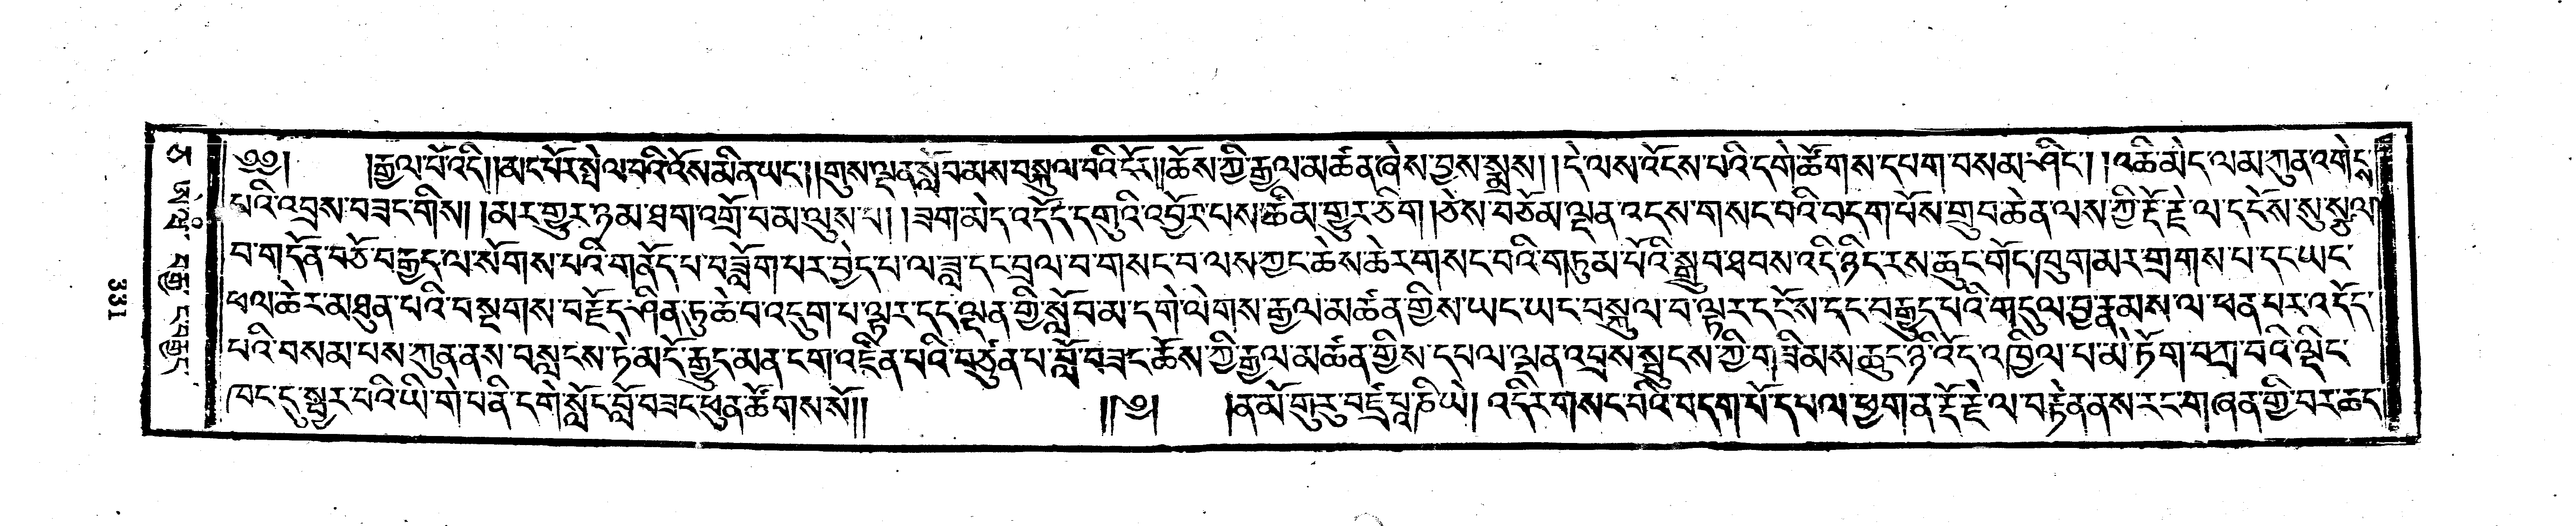༄༅། །རྒྱལ་པོ་འདི། །མང་པོར་སྤེལ་བའི་འོས་མིན་ཡང་། །གུས་ལྡན་སློབ་མས་བསྐུལ་བའི་ངོར། །ཆོས་ཀྱི་རྒྱལ་མཚན་ཞེས་བྱས་སྨྲས། །དེ་ལས་འོངས་པའི་དགེ་ཚོགས་དཔག་བསམ་ཤིང་། །འཆི་མེད་ལམ་ཀུན་འགེངས་
པའི་འབྲས་བཟང་གིས། །མར་གྱུར་ཉམ་ཐག་འགྲོ་བ་མ་ལུས་པ། །ཟག་མེད་འདོད་དགུའི་འབྱོར་པས་ཚིམ་གྱུར་ཅིག །ཅེས་བཅོམ་ལྡན་འདས་གསང་བའི་བདག་པོས་གྲུབ་ཆེན་ལས་ཀྱི་རྡོ་རྗེ་ལ་དངོས་སུ་སྩལ་
བ་གདོན་བཅོ་བརྒྱད་ལ་སོགས་པའི་གནོད་པ་བཟློག་པར་བྱེད་པ་ལ་ཟླ་དང་བྲལ་བ་གསང་བ་ལས་ཀྱང་ཆེས་ཆེར་གསང་བའི་གཏུམ་པོའི་སྒྲུབ་ཐབས་འདི་ཉིད་རས་ཆུང་གོང་ཁུག་མར་གྲགས་པ་དང་ཡང་
ཕལ་ཆེར་མཐུན་པའི་བསྔགས་བརྗོད་ཤིན་ཏུ་ཆེ་བ་འདུག་པ་ལྟར་དད་ལྡན་གྱི་སློབ་མ་དགེ་ལེགས་རྒྱལ་མཚན་གྱིས་ཡང་ཡང་བསྐུལ་བ་ལྟར་དངོས་དང་བརྒྱུད་པའི་གདུལ་བྱ་རྣམས་ལ་ཕན་པར་འདོད་
པའི་བསམ་པས་ཀུན་ནས་བསླངས་ཏེ་མདོ་རྒྱུད་མན་ངག་འཛིན་པའི་བཙུན་པ་བློ་བཟང་ཆོས་ཀྱི་རྒྱལ་མཚན་གྱིས་དཔལ་ལྡན་འབྲས་སྤུངས་ཀྱི་གཟིམས་ཆུང་ཉི་འོད་འཁྱིལ་བ་མེ་ཏོག་བཀྲ་བའི་ལྡིང་
ཁང་དུ་སྦྱར་བའི་ཡི་གེ་པ་ནི་དགེ་སློང་བློ་བཟང་ཕུན་ཚོགས་སོ།། །།